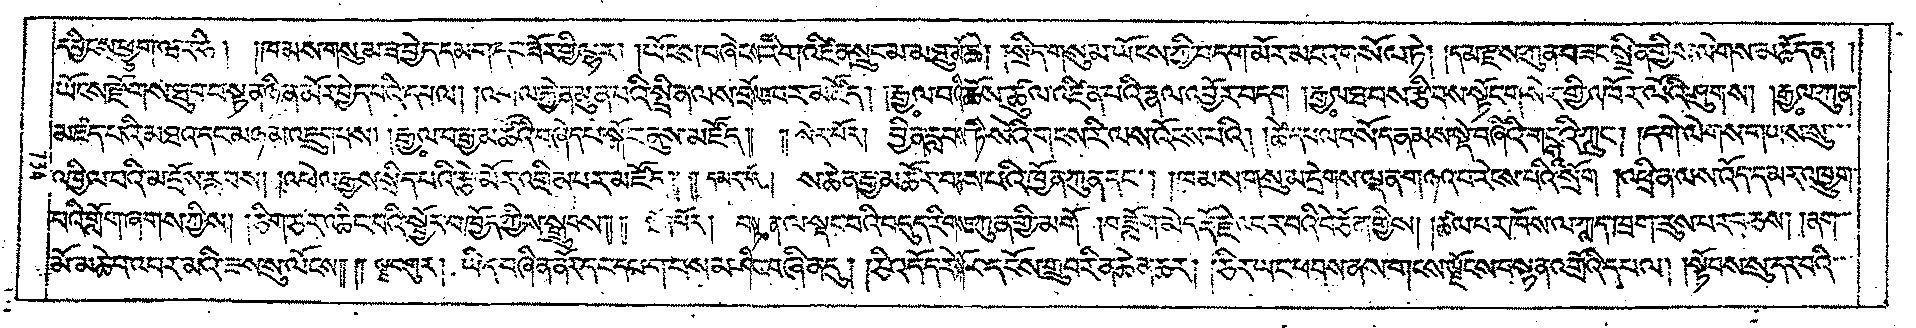དབྱིངས་ཕྱུག་ཝ་ར་ཧི། །ཁམས་གསུམ་ཟ་བྱེད་དམག་དང་ཟོར་གྱི་ལྷར། །ཡོངས་བཞེངས་རིག་འཛིན་སྲུང་མ་མཐུ་མོ་ཆེ། །སྲིད་གསུམ་ཡོངས་ཀྱི་བདག་མོར་མངའ་གསོལ་ཏེ། །དམ་རྫས་ཀུན་བཟང་སྤྲིན་གྱིས་ལེགས་མཆོད་ན། །
ཡོངས་རྫོགས་ཐུབ་བསྟན་ཉིན་མོར་བྱེད་པའི་དཔལ། །འགལ་རྐྱེན་མུན་པའི་སྤྲིན་ལས་གྲོལ་བར་མཛོད། །རྒྱལ྾་བའི་ཆོས་ཚུལ་འཛིན་པའི་རྣལ་འབྱོར་བདག །རྒྱལ྾་ཐབས་རྩིབས་སྟོང་གསེར་གྱི་འཁོར་ལོའི་ཤུགས། །རྒྱལ྾་ཀུན་
མཛད་པའི་མཐའ་དང་མཉམ་འཇུག་པས། །རྒྱལ྾་བ་རྒྱ་མཚོའི་བཞེད་པ་སྐོང་ནུས་མཛོད།། །། སེར་པོར།  བྱིན་རླབས་ཏི་སེའི་གངས་རི་ལས་འོངས་པའི། །ཚེ་དཔལ་བསོད་ནམས་སྡེ་བཞིའི་གངྒཱའི་ཀླུང་། །དགེ་ལེགས་གཡས་སུ་
འཁྱིལ་བའི་མ་དྲོས་རླབས། །འཕེལ་རྒྱས་སྲིད་པའི་རྩེ་མོར་འགྲིམ་པར་མཛོད།། །། དམར་པོར།  ས་ཆེན་རྒྱ་མཚོར་བཅས་པའི་ཁྱོན་ཀུན་དང་། །ཁམས་གསུམ་དྲེགས་ལྡན་གཉའ་བ་རེངས་པའི་སྲོག །འཕྲིན་ལས་འོད་དམར་འཁྱུག་
པའི་གློག་ཞགས་ཀྱིས། །ཅིག་ཅར་འཆིང་བའི་སྦྱོར་བ་ཁྱོད་ཀྱིས་སྒྲུབས།། །། སྔོན་པོར།  བསྟན་ལ་སྡང་བའི་བདུད་རིགས་ཀུན་གྱི་མགོ །བཟློག་མེད་རྡོ་རྗེ་འབར་བའི་བེ་ཅོན་གྱིས། །ཚལ་པར་ཁོས་ལ་ཀླད་ཁྲག་རུས་པར་བཅས། །ནག་
མོ་མཆེ་བ་འབར་མའི་ཟས་སུ་ལོངས།། །། ལྗང་གུར།  ཡིད་བཞིན་ནོར་དང་དཔག་བསམ་ཤིང་བཞིན་དུ། །ཅི་འདོད་རེ་སྐོང་དངོས་གྲུབ་རིན་ཆེན་ཆར། །ཅིར་ཡང་ཕབས་ནས་གངས་ལྗོངས་བསྟན་འགྲོའི་དཔལ། །སྟོབས་སུ་དར་བའི་